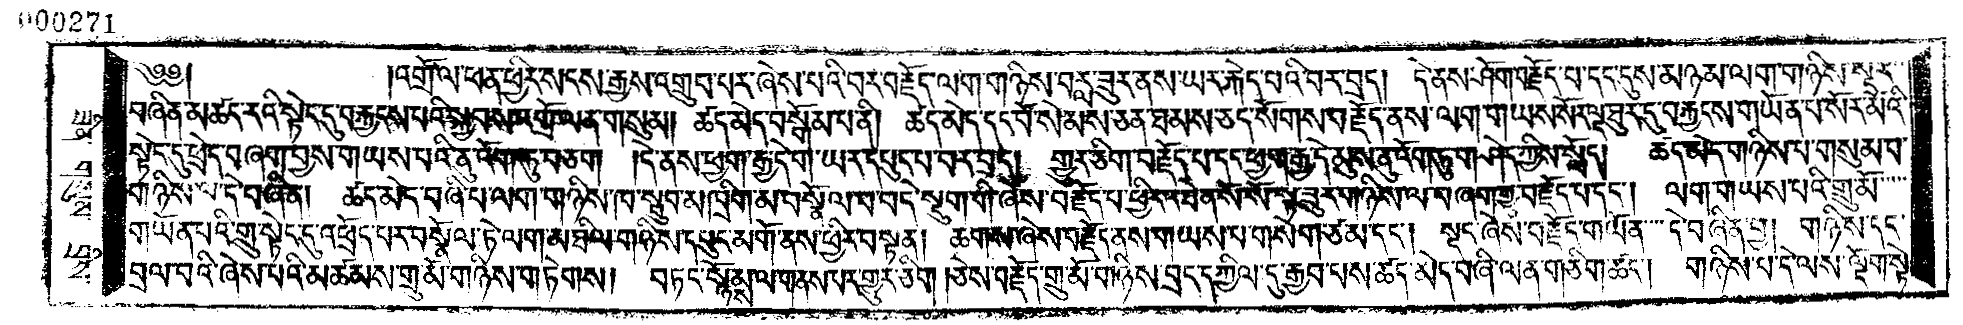༄༅། །འགྲོ་ལ་ཕན་ཕྱིར་སངས་རྒྱས་འགྲུབ་པར་ཞེས་པའི་བར་བརྗོད་ལག་གཉིས་བརླ་ཟུར་ནས་ཡར་རྐེད་པའི་བར་བྲད། དེ་ནས་ཤོག་བརྗོད་པ་དང་དུས་མཉམ་ལག་གཉིས་སྔར་
བཞིན་མཚང་རའི་སྟེང་དུ་བརྐྱངས་པའི་སྐྱབས་འགྲོ་ལན་གསུམ། ཚད་མེད་བསྒོམ་པ་ནི། ཚད་མེད་དང་པོ་སེམས་ཅན་ཐམས་ཅད་སོགས་བརྗོད་ནས་ལག་གཡས་སོར་ལྔ་ཐུར་དུ་བརྐྱངས་གཡོན་པ་སོར་མོའི་
སྟེང་དུ་ཕྲེད་བཞག་བྱས་གཡས་པའི་ནུ་འོག་ཏུ་བཅག །དེ་ནས་ཕྱག་རྒྱ་དེ་ག་ཡར་དཔུང་པ་བར་བྲད། གྱུར་ཅིག་བརྗོད་པ་དང་ཕྱག་རྒྱ་དེ་མུས་ནུ་འོག་ཏུ་གཤེད་ཀྱིས་སློད། ཚད་མེད་གཉིས་པ་གསུམ་པ་
གཉིས་ལ་དེ་བཞིན། ཚད་མེད་བཞི་པ་ལག་གཉིས་ཁ་སྦུབ་མཁྲིག་མ་བསྣོལ་པ་བདེ་སྡུག་གི་ཞེས་བརྗོད་པ་ཕྱིར་འཐེན་སོ་སོ་སྟ་ཟུར་གཉིས་ལ་བཞག་རྒྱུ་བརྗོད་པ་དང་། ལག་གཡས་པའི་གྲུ་མོ་
གཡོན་པའི་གྲུ་སྟེང་དུ་འཕྲོད་པར་བསྣོལ་ཏེ་ལག་མཐིལ་གཉིས་དཔུང་མགོ་ནས་ཕྱིར་བསྟན། ཆགས་ཞེས་བརྗོད་ནས་གཡས་པ་གསེག་ཙམ་དང་། སྡང་ཞེས་བརྗོད་གཡོན་དེ་བཞིན་བྱ། གཉིས་དང་
བྲལ་བའི་ཞེས་པའི་མཚམས་གྲུ་མོ་གཉིས་གཏེགས། བཏང་སྙོམས་ལ་གནས་པར་གྱུར་ཅིག །ཅེས་བརྗོད་གྲུ་མོ་གཉིས་བྲང་དཀྱིལ་དུ་རྒྱབ་པས་ཚད་མེད་བཞི་ལན་གཅིག་ཚང་། གཉིས་པ་དེ་ལས་ལྡོག་སྟེ་